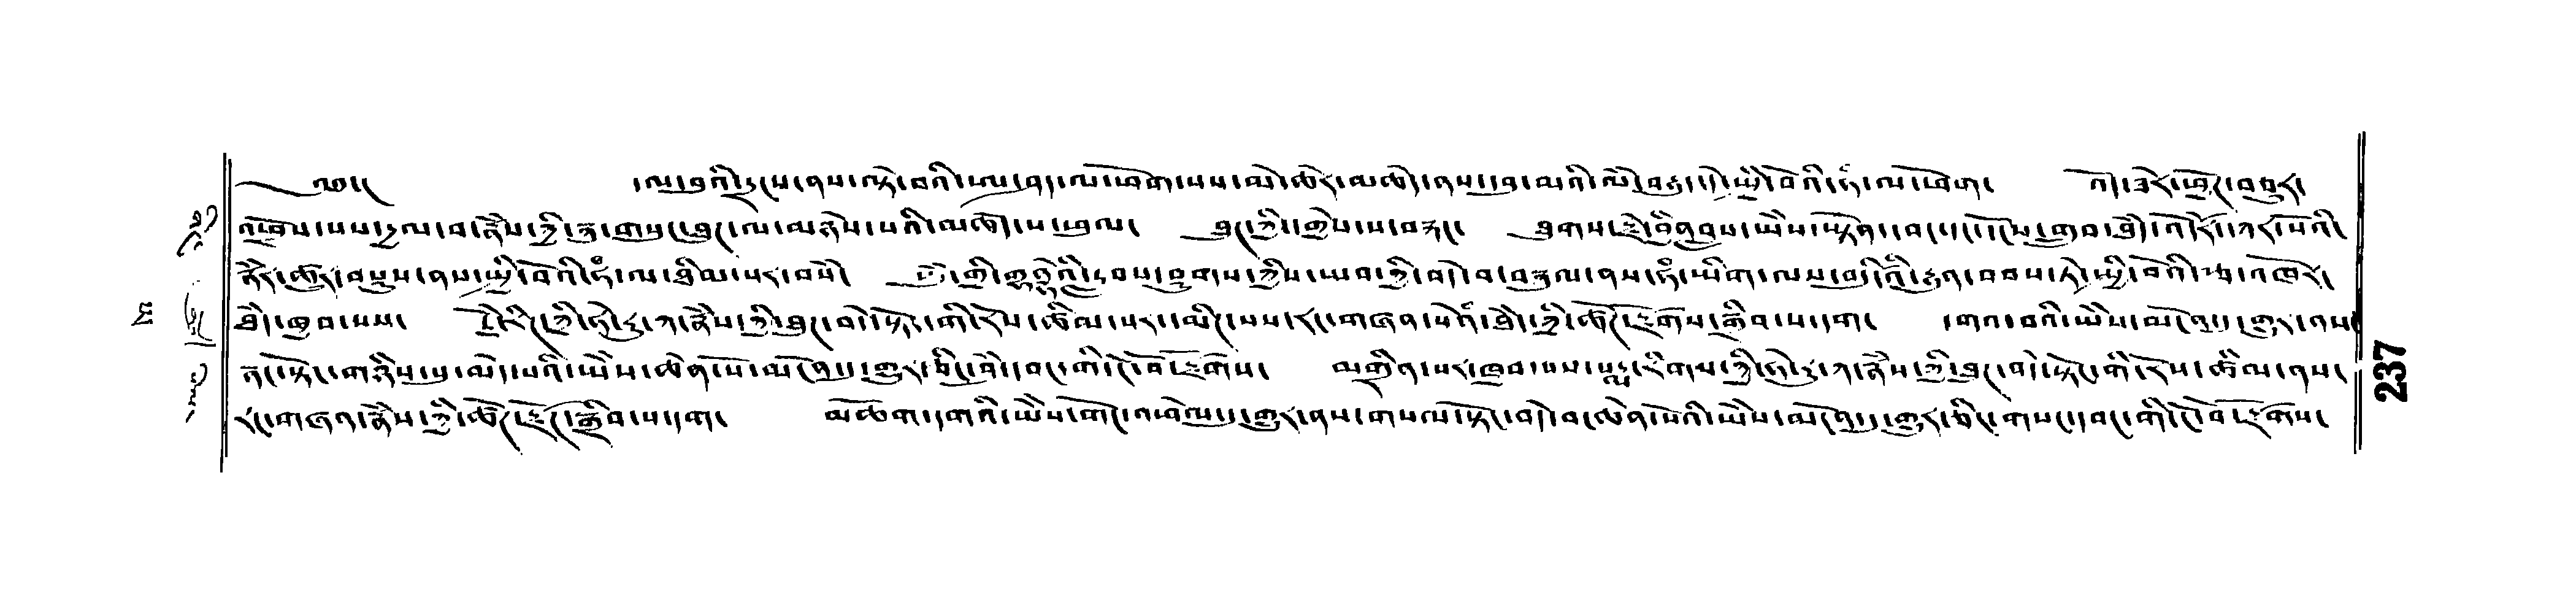དལ་བུའི་དྲངས་ནས་ལྟེ་བའི་ཨ་ཤད་ལ་ཕོག་པས་མེ་ཆེར་མཆེད་ནས་དབུ་མའི་ལམ་བརྒྱུད་དེ་སྤྱི་བོའི་ཧཾ་ལ་ཕོག འོད་ཟེར་ཕྱོགས་བཅུར་
འཕྲོས་པས་རྒྱལ་བ་རྣམས་ཀྱི་སྐུ་གསུང་ཐུགས་ལ་མཉེས་པའི་མཆོད་པ་ཕུལ། ཐུགས་ཀྱི་དགྱེས་པ་བསྐང་། ཐུགས་རྗེ་བྱིན་རླབས་ཡེ་ཤེས་ཡོན་ཏན་དབང་དང་དངོས་གྲུབ་ཐམས་ཅད་འོད་ཟེར་དཀར་པོའི་
རྣམ་པར་ཚུར་བསྡུས་ནས་སྤྱི་བོའི་ཧཾ་ལ་ཐིམ་པར་བསམ། ཡུམ་གྱི་གྷནྡྷེའི་རླབས་ཤུགས་ཀྱིས་ཡབ་ཀྱི་བདེ་བ་བསྐུལ་ནས་ཧཾ་ཡིག་ལ་བདུད་རྩིའི་རྒྱུན་བབས་ཏེ་སྤྱི་བོའི་རྩ་འཁོར་
ཐམས་ཅད་ཁྱབ་པས། རྡོ་རྗེ་རིགས་ཀྱི་ཧེ་རུ་ཀ་རྣམས་ཀྱི་ཐུགས་བདེ་སྟོང་གི་རོས་ཚིམ་པར་དམིགས་པས་རང་གཞན་སེམས་ཅན་ཐམས་ཅད་ཀྱི་ཚོགས་རྫོགས་སྒྲིབ་པ་དག དགའ་བའི་ཡེ་ཤེས་མངོན་དུ་གྱུར་ནས་
སྣང་སྟོང་གཉིས་སུ་མེད་པའི་ཡེ་ཤེས་ཆེན་པོ་མངོན་དུ་གྱུར་ཅིང་བུམ་དབང་གི་ངོ་བོ་རྫོགས། མགྲིན་པར་ཁྱབ་པས་པདྨ་རིགས་ཀྱི་ཧེ་རུ་ཀ་རྣམས་ཀྱི་ཐུགས་བདེ་སྟོང་གི་རོས་ཚིམ་ནས་
རང་གཞན་རྣམས་ཀྱི་ཚོགས་རྫོགས་སྒྲིབ་པ་དག མཆོག་དགའི་ཡེ་ཤེས་གོང་འཕེལ་དུ་གྱུར་ནས་གསལ་སྟོང་བདེ་བ་ཆེན་པོའི་ཡེ་ཤེས་མངོན་དུ་གྱུར་ཅིང་གསང་དབང་གི་ངོ་བོ་རྫོགས།